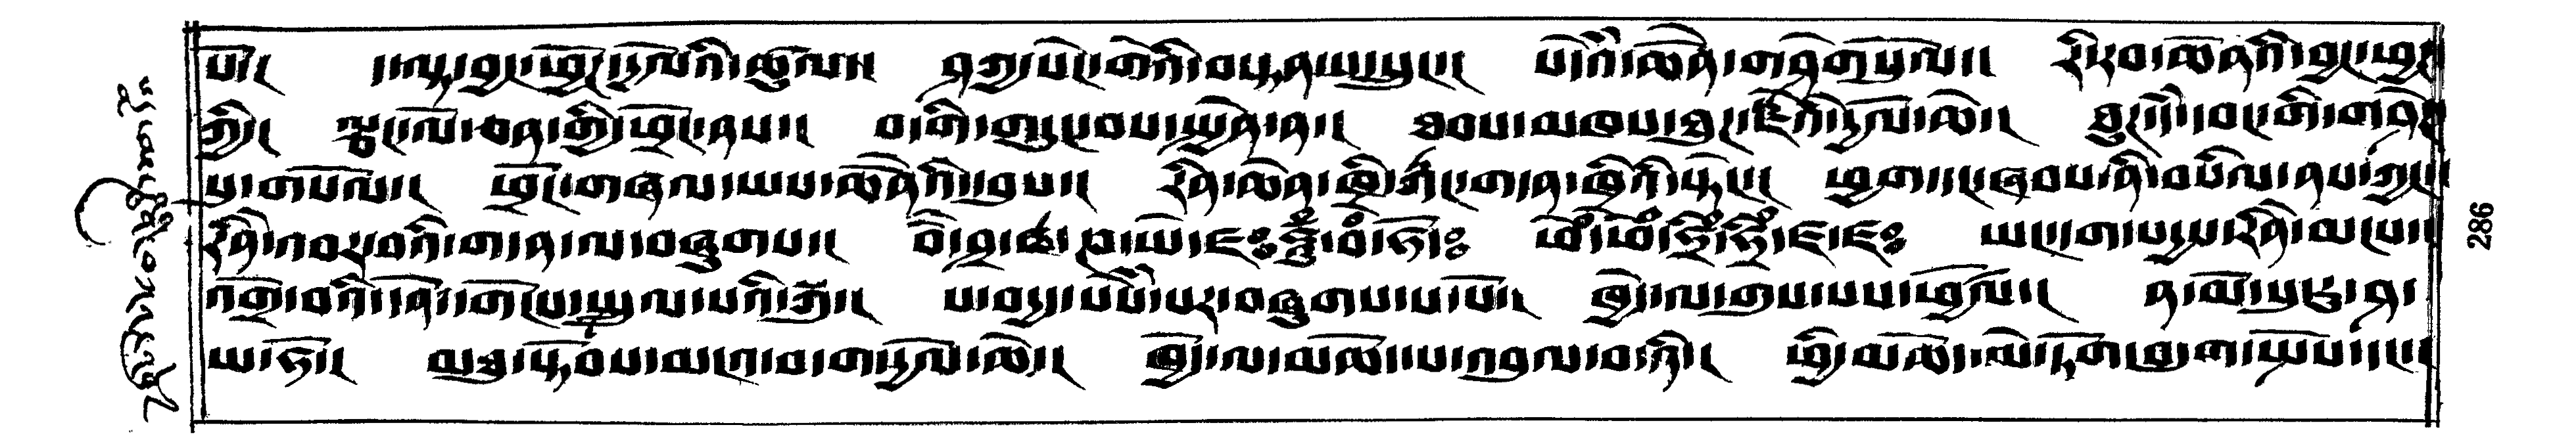པོ། །ད་ལྟ་བྱང་ཕྱོགས་རྒྱལ་པོའི་ཚུལ། །ཤཱཀྱ་སེང་གེའི་བསྟན་པ་སྲུང་། །སེམས་དཔའ་ཆེན་པོ་གཤེགས་སུ་གསོལ། །རི་རབ་ཆེན་པོའི་བྱང་ཕྱོགས་
ཀྱི།ལྕང་ལོ་ཅན་གྱི་ཕོ་བྲང་ནས། །བདག་གི་གདུང་བས་སྤྱན་འདྲེན་ན། །ཐབས་མཁས་ཐུགས་རྗེའི་རྒྱལ་པོ་ཆེ། །ཐུགས་དམ་དབང་གིས་གཤེགས་
སུ་གསོལ། །ཕོ་བྲང་གཞལ་ཡས་ཆེན་པོའི་དབུས། །རིན་ཆེན་ཁྲི་རྐང་གདན་ཁྲིའི་སྟེང་། །ཕྱག་དང་ཞབས་ནི་བསིལ་ནས་ཀྱང་། །
རིན་ཆེན་འབར་བའི་གདན་ལ་བཞུགས། བཻ་ཤྲ་ཝ་ཎ་ཡེ་ཛཿཧཱུྃ་བཾ་ཧོཿ ཕེཾ་ཕེཾ་ཧྲིཾ་ཧྲིཾ་ཛ་ཛཿ ཡང་དག་སངས་རྒྱས་རིན་པོ་ཆེན་མང་
འགྲོ་བའི་དོན་དགོངས་སྤྲུལ་པའི་སྐུ། །ས་བརྒྱད་སེམས་པར་བཞུགས་པ་པོ། །ཁྱེད་ལ་གུས་པས་ཕྱག་འཚལ་ལོ། །ན་མོ་པུ་རུ་ཤ་
ཡ་ཧོ། མཐུ་སྟོབས་མངའ་བདག་རྒྱལ་པོ་ཆེ། །ཁྱོད་ལ་མཆོད་པ་འབུལ་བ་ནི། །ཕྱི་མཆོད་མེ་ཏོག་བདུག་སྤོས་དང་། །